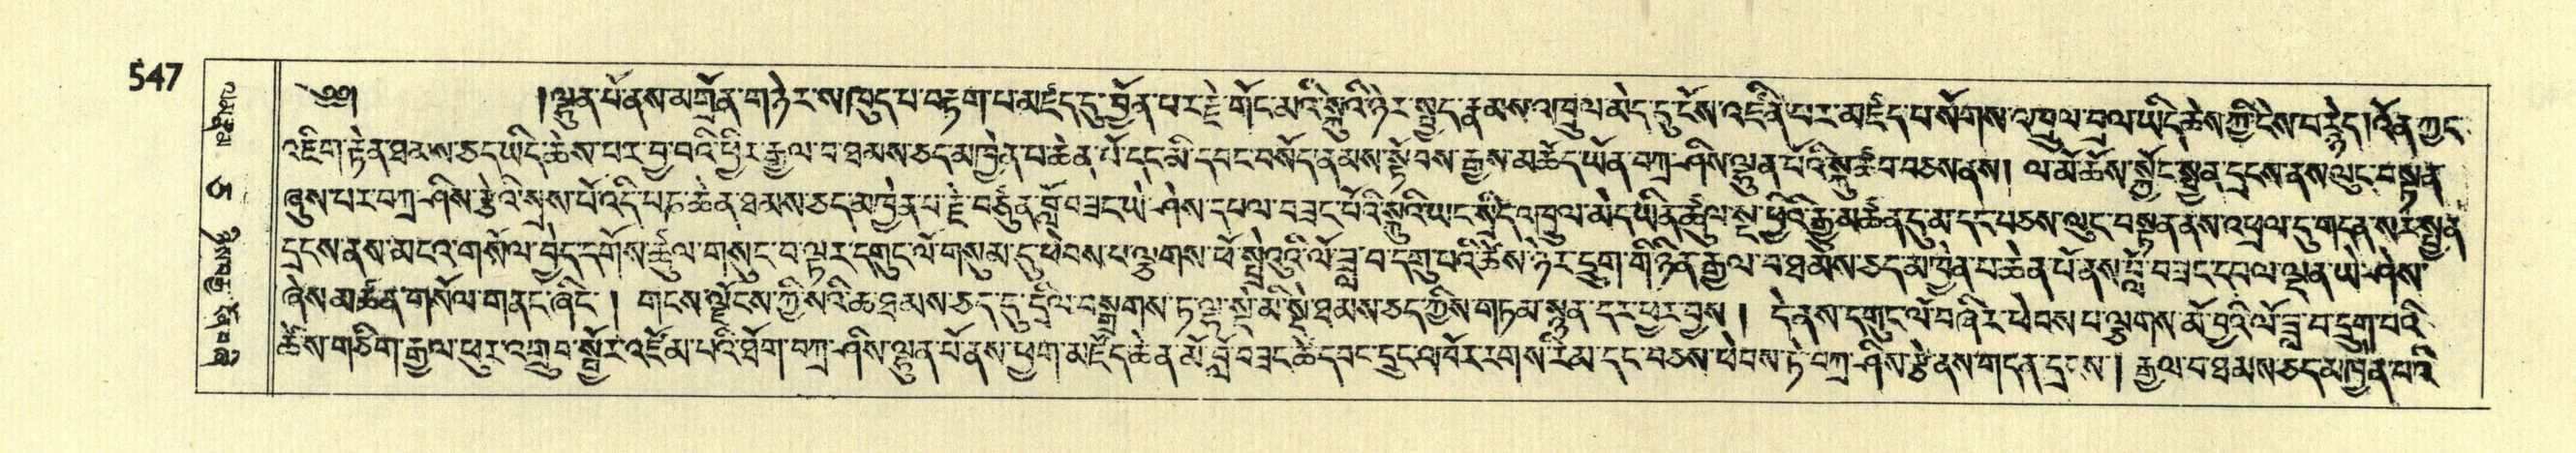༄༅། །ལྷུན་པོ་ནས་མགྲོན་གཉེར་ས་ཁུད་པ་བརྟག་པ་མཛད་དུ་བྱོན་པར་རྗེ་གོང་མའི་སྐུའི་ཉེར་སྤྱད་རྣམས་འཁྲུལ་མེད་དུ་ངོས་འཛིན་པར་མཛད་པ་སོགས་འཁྲུལ་བྲལ་ཡིད་ཆེས་ཀྱི་ངེས་པ་རྙེད། འོན་ཀྱང་
འཇིག་རྟེན་ཐམས་ཅད་ཡིད་ཆེས་པར་བྱ་བའི་ཕྱིར་རྒྱལ་བ་ཐམས་ཅད་མཁྱེན་པ་ཆེན་པོ་དང་མི་དབང་བསོད་ནམས་སྟོབས་རྒྱས་མཆོད་ཡོན་བཀྲ་ཤིས་ལྷུན་པོའི་སྐུ་ཚབ་བཅས་ནས། ལ་མོ་ཆོས་སྐྱོང་སྤྱན་དྲངས་ནས་ལུང་བསྟན་
ཞུས་པར་བཀྲ་ཤིས་རྩེའི་སྲས་པོ་འདི་པཎ་ཆེན་ཐམས་ཅད་མཁྱེན་པ་རྗེ་བཙུན་བློ་བཟང་ཡེ་ཤེས་དཔལ་བཟང་པོའི་སྐུའི་ཡང་སྲིད་འཁྲུལ་མེད་ཡིན་ཚུལ་སྔ་ཕྱིའི་རྒྱུ་མཚན་དུ་མ་དང་བཅས་ལུང་བསྟན་ནས་འཕྲལ་དུ་གདན་སར་སྤྱན་
དྲངས་ནས་མངའ་གསོལ་བྱེད་དགོས་ཚུལ་གསུང་བ་ལྟར་དགུང་ལོ་གསུམ་དུ་ཕེབས་པ་ལྕགས་ཕོ་སྤྲེའུའི་ལོ་ཟླ་བ་དགུ་པའི་ཚེས་ཉེར་དྲུག་གི་ཉིན་རྒྱལ་བ་ཐམས་ཅད་མཁྱེན་པ་ཆེན་པོ་ནས་བློ་བཟང་དཔལ་ལྡན་ཡེ་ཤེས་
ཞེས་མཚན་གསོལ་གནང་ཞིང་། གངས་ལྗོངས་ཀྱི་སའི་ཆ་ཐམས་ཅད་དུ་དྲིལ་བསྒྲགས་ཏ་ལྷ་སྡེ་མི་སྡེ་ཐམས་ཅད་ཀྱིས་གཏམ་སྙན་དར་ཕྱར་བྱས། དེ་ནས་དགུང་ལོ་བཞིར་ཕེབས་པ་ལྕགས་མོ་བྱའི་ལོ་ཟླ་བ་དྲུག་པའི་བྱའི་ལོ་ཟླ་བ་དྲུག་པའི་
ཚེས་གཅིག་རྒྱལ་ཕུར་འགྲུབ་སྦྱོར་འཛོམ་པའི་ཐོག་བཀྲ་ཤིས་ལྷུན་པོ་ནས་ཕྱག་མཛོད་ཆེན་མོ་བློ་བཟང་ཚེ་དབང་དྲུང་འཁོར་རགས་རིམ་དང་བཅས་ཕེབས་ཏེ་བཀྲ་ཤིས་རྩེ་ནས་གདན་དྲངས། རྒྱལ་བ་ཐམས་ཅད་མཁྱེན་པའི་